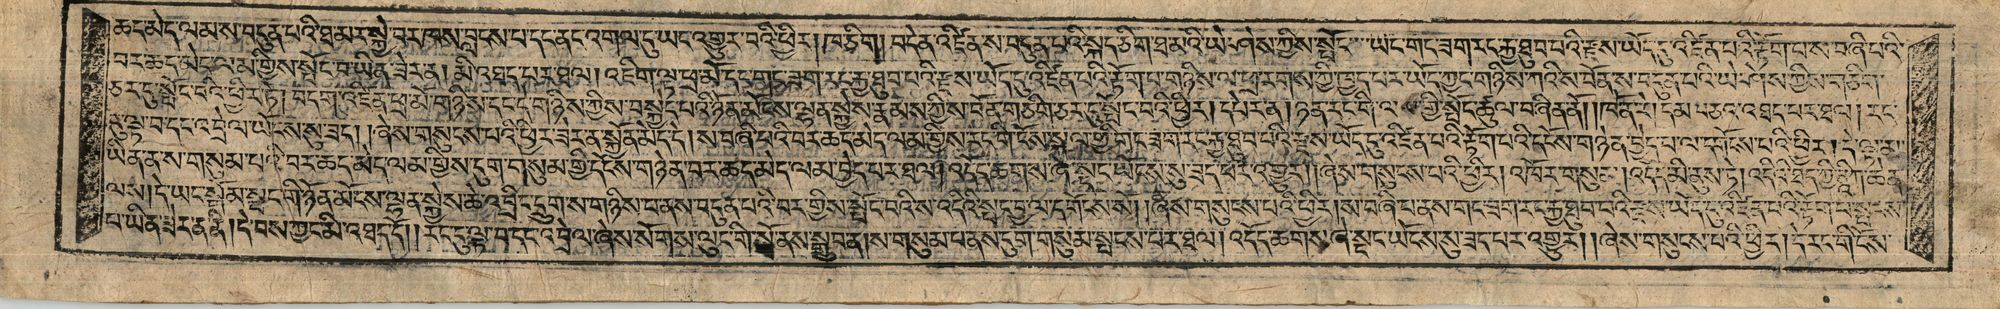ཆད་མེད་ལམ་ས་བདུན་པའི་ཐ་མར་སྐྱེ་བར་ཁས་བླངས་པ་དང་ནང་འགལ་དུ་ཡང་འགྱུར་བའི་ཕྱིར། ཁ་ཅིག། བདེན་འཛིན་ས་བདུན་པའི་སྐད་ཅིག་ཐ་མའི་ཡེ་ཤེས་ཀྱིས་སྤོང་ཡང་གང་ཟག་རང་རྐྱ་ཐུབ་པའི་རྫས་ཡོད་དུ་འཛིན་པའི་རྟོག་པ་ས་བཞི་པའི་
བར་ཆད་མེད་ལམ་གྱིས་སྤོང་བ་ཡིན་ཟེར་ན། མི་འཐད་པར་ཐལ། འཇིག་ལྟ་ཕྲ་མོ་དང་གང་ཟག་རང་རྐྱ་ཐུབ་པའི་རྫས་ཡོད་དུ་འཛིན་པའི་རྟོག་པ་གཉིས་ལ་ཕྲ་རགས་ཀྱི་ཁྱད་པར་ཡོད་ཀྱང་གཉིས་ཀའི་ས་བོན་ས་བདུན་པའི་ཡེ་ཤེས་ཀྱིས་གཅིག་
ཅར་དུ་སྤོང་བའི་ཕྱིར་ཏེ། བདག་འཛིན་ཕྲ་མོ་གཉིས་དང་དེ་གཉིས་ཀྱིས་བསྐྱེད་པའི་ཉོན་མོངས་ལྷན་སྐྱེས་རྣམས་ཀྱི་ས་བོན་གཅིག་ཅར་དུ་སྤོང་བའི་ཕྱིར། དཔེར་ན། ཉན་རང་གི་ལམ་གྱི་སྤོང་ཚུལ་བཞིན་ནོ། །ཁོ་ན་རེ། དམ་བཅའ་འཐད་པར་ཐལ། རང་
དུ་ལྟ་བ་དང་འབྲེལ་ཡོངས་སུ་ཟད། །ཞེས་གསུངས་པའི་ཕྱིར་ཟེར་ན་སྐྱོན་མེད་དེ། ས་བཞི་པའི་བར་ཆད་མེད་ལམ་གྱིས་རང་གི་ངོས་སྐལ་གྱི་གང་ཟག་རང་རྐྱ་ཐུབ་པའི་རྫས་ཡོད་དུ་འཛིན་པའི་རྟོག་པའི་དངོས་གཉེན་བྱེད་པ་ལ་དགོངས་པའི་ཕྱིར། དེ་ལྟ་མ་
ཡིན་ན་ས་གསུམ་པའི་བར་ཆད་མེད་ལམ་གྱིས་དུག་གསུམ་གྱི་དངོས་གཉེན་བར་ཆད་མེད་ལམ་བྱེད་པར་ཐལ། འདོད་ཆགས་ཞེ་སྡང་ཡོངས་སུ་ཟད་པར་འགྱུར། །ཞེས་གསུངས་པའི་ཕྱིར། འཁོར་གསུམ། འདོད་མི་ནུས་ཏེ། འདིའི་ཐད་ཀྱི་ཊཱིཀཆེན་
ལས། དེ་ཡང་སྒོམ་སྤང་གི་ཉོན་མོངས་ལྷན་སྐྱེས་ཆེ་འབྲིང་དྲུག་ས་གཉིས་པ་ནས་བདུན་པའི་བར་གྱིས་སྤོང་བའི་ས་འདིའི་སྤང་བྱ་ལ་དགོངས་སོ། །ཞེས་གསུངས་པའི་ཕྱིར། ས་བཞི་པ་ནས་གང་ཟག་རང་རྐྱ་ཐུབ་པའི་རྫས་ཡོད་དུ་འཛིན་པའི་རྟོག་པ་སྤངས་
པ་ཡིན་ཟེར་ན་ནི། དེ་བས་ཀྱང་མི་འཐད་དོ། །རང་དུ་ལྟ་བ་དང་འབྲེལ་ཞེས་སོགས་ལུང་གི་སྒོ་ནས་སྒྲུབ་ན། ས་གསུམ་པ་ནས་དུག་གསུམ་སྤངས་པར་ཐལ། འདོད་ཆགས་ཞེ་སྡང་ཡོངས་སུ་ཟད་པར་འགྱུར། །ཞེས་གསུངས་པའི་ཕྱིར། དེ་རང་གི་ངོས་